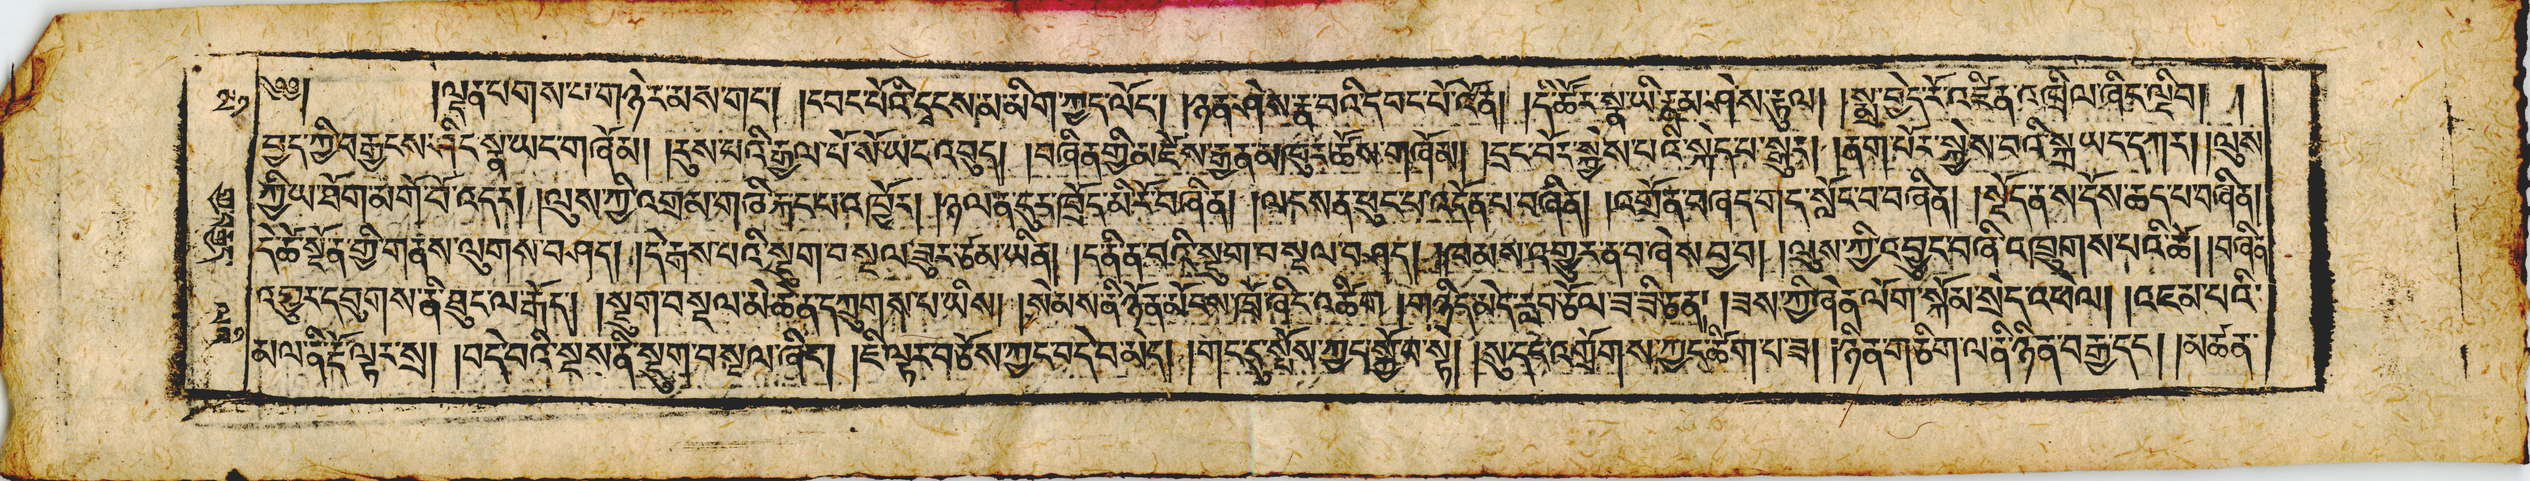།ལྡན་པགས་པ་གཉེར་མས་གང་། །དབང་པོའི་དྭངས་མ་མིག་ཀྱང་ལོང་། །ཉན་ཤེས་རྩ་བའི་དབང་པོ་འོན། །དྲི་ཚོར་སྣ་ཡི་རྣམ་ཤེས་རྟུལ། །སྨྲ་བྱེད་རོ་འཛིན་འཁྲིལ་ཞིང་ལྡིབ། །
བྱད་ཀྱི་བརྒྱངས་ཤིང་སྣ་ཡང་གཞོམ། །རུས་པའི་རྒྱལ་པོ་སོ་ཡང་འབུད། །བཞིན་གྱི་མཛེས་རྒྱན་མཁུར་ཚོས་གཞོམ། །དྲང་བར་སྐྱེས་པའི་སྐེད་པ་སྒུར། །ནག་པོར་སྐྱེས་བའི་སྐྲ་ཡང་དཀར། །ལུས་
ཀྱི་ཡ་ཐོད་མགོ་བོ་འདར། །ལུས་ཀྱི་འགྲམ་གཞི་རྐང་པ་འཁྱོར། །ཉལ་ན་དུར་ཁྲོད་མི་རོ་བཞིན། །ལངས་ན་ཕུང་པོ་འདོན་པ་བཞིན། །འགྲོ་ན་བཤད་གད་སློང་བ་བཞིན། །སྡོད་ན་ས་དོས་ཆད་པ་བཞིན། །
དེ་ཚེ་སྔོན་གྱི་གནས་ལུགས་བཤད། །དེ་རྒས་པའི་སྡུག་བསྔལ་ཟུར་ཙམ་ཡིན། །ད་ནི་ན་བའི་སྡུག་བསྔལ་བཤད། །ཁམས་འགྱུར་ན་བ་ཞེས་བྱ་བ། །ལུས་ཀྱི་འབྱུང་བཞི་འཁྲུགས་པའི་ཚེ། །བཞི་
འགྱུར་དབུགས་ནི་ཟུང་ལ་རྒོད་། །སྡུག་བསྔལ་མེ་ཆེན་དཀྲུགས་པ་ཡིས། །སེམས་ནི་ཉེན་མོངས་བློ་ཞིང་འཚིག །གཉིད་མེད་རླབ་རྩོལ་ཟ་ཟི་ཅན། །ཟས་ཀྱི་ཞེན་ལོག་སྐོམ་སྲེད་འཕེལ། །འཇམ་པའི་
མལ་ནི་རྡོ་ལྟར་སྲ། །བདེ་བའི་སྔས་ནི་སྡུག་བསྔལ་ཞིང་། །ཇི་ལྟར་བཅོས་ཀྱང་བདེ་བ་མེད། །གང་དུ་སྤོས་ཀྱང་སྐྱོ་བ་སྟེ། །སུ་དང་འགྲོགས་ཀྱང་ཚིག་པ་ཟ། །ཉིན་གཅིག་ལ་ནི་ཉིན་བརྒྱ་དང་། །མཚན་